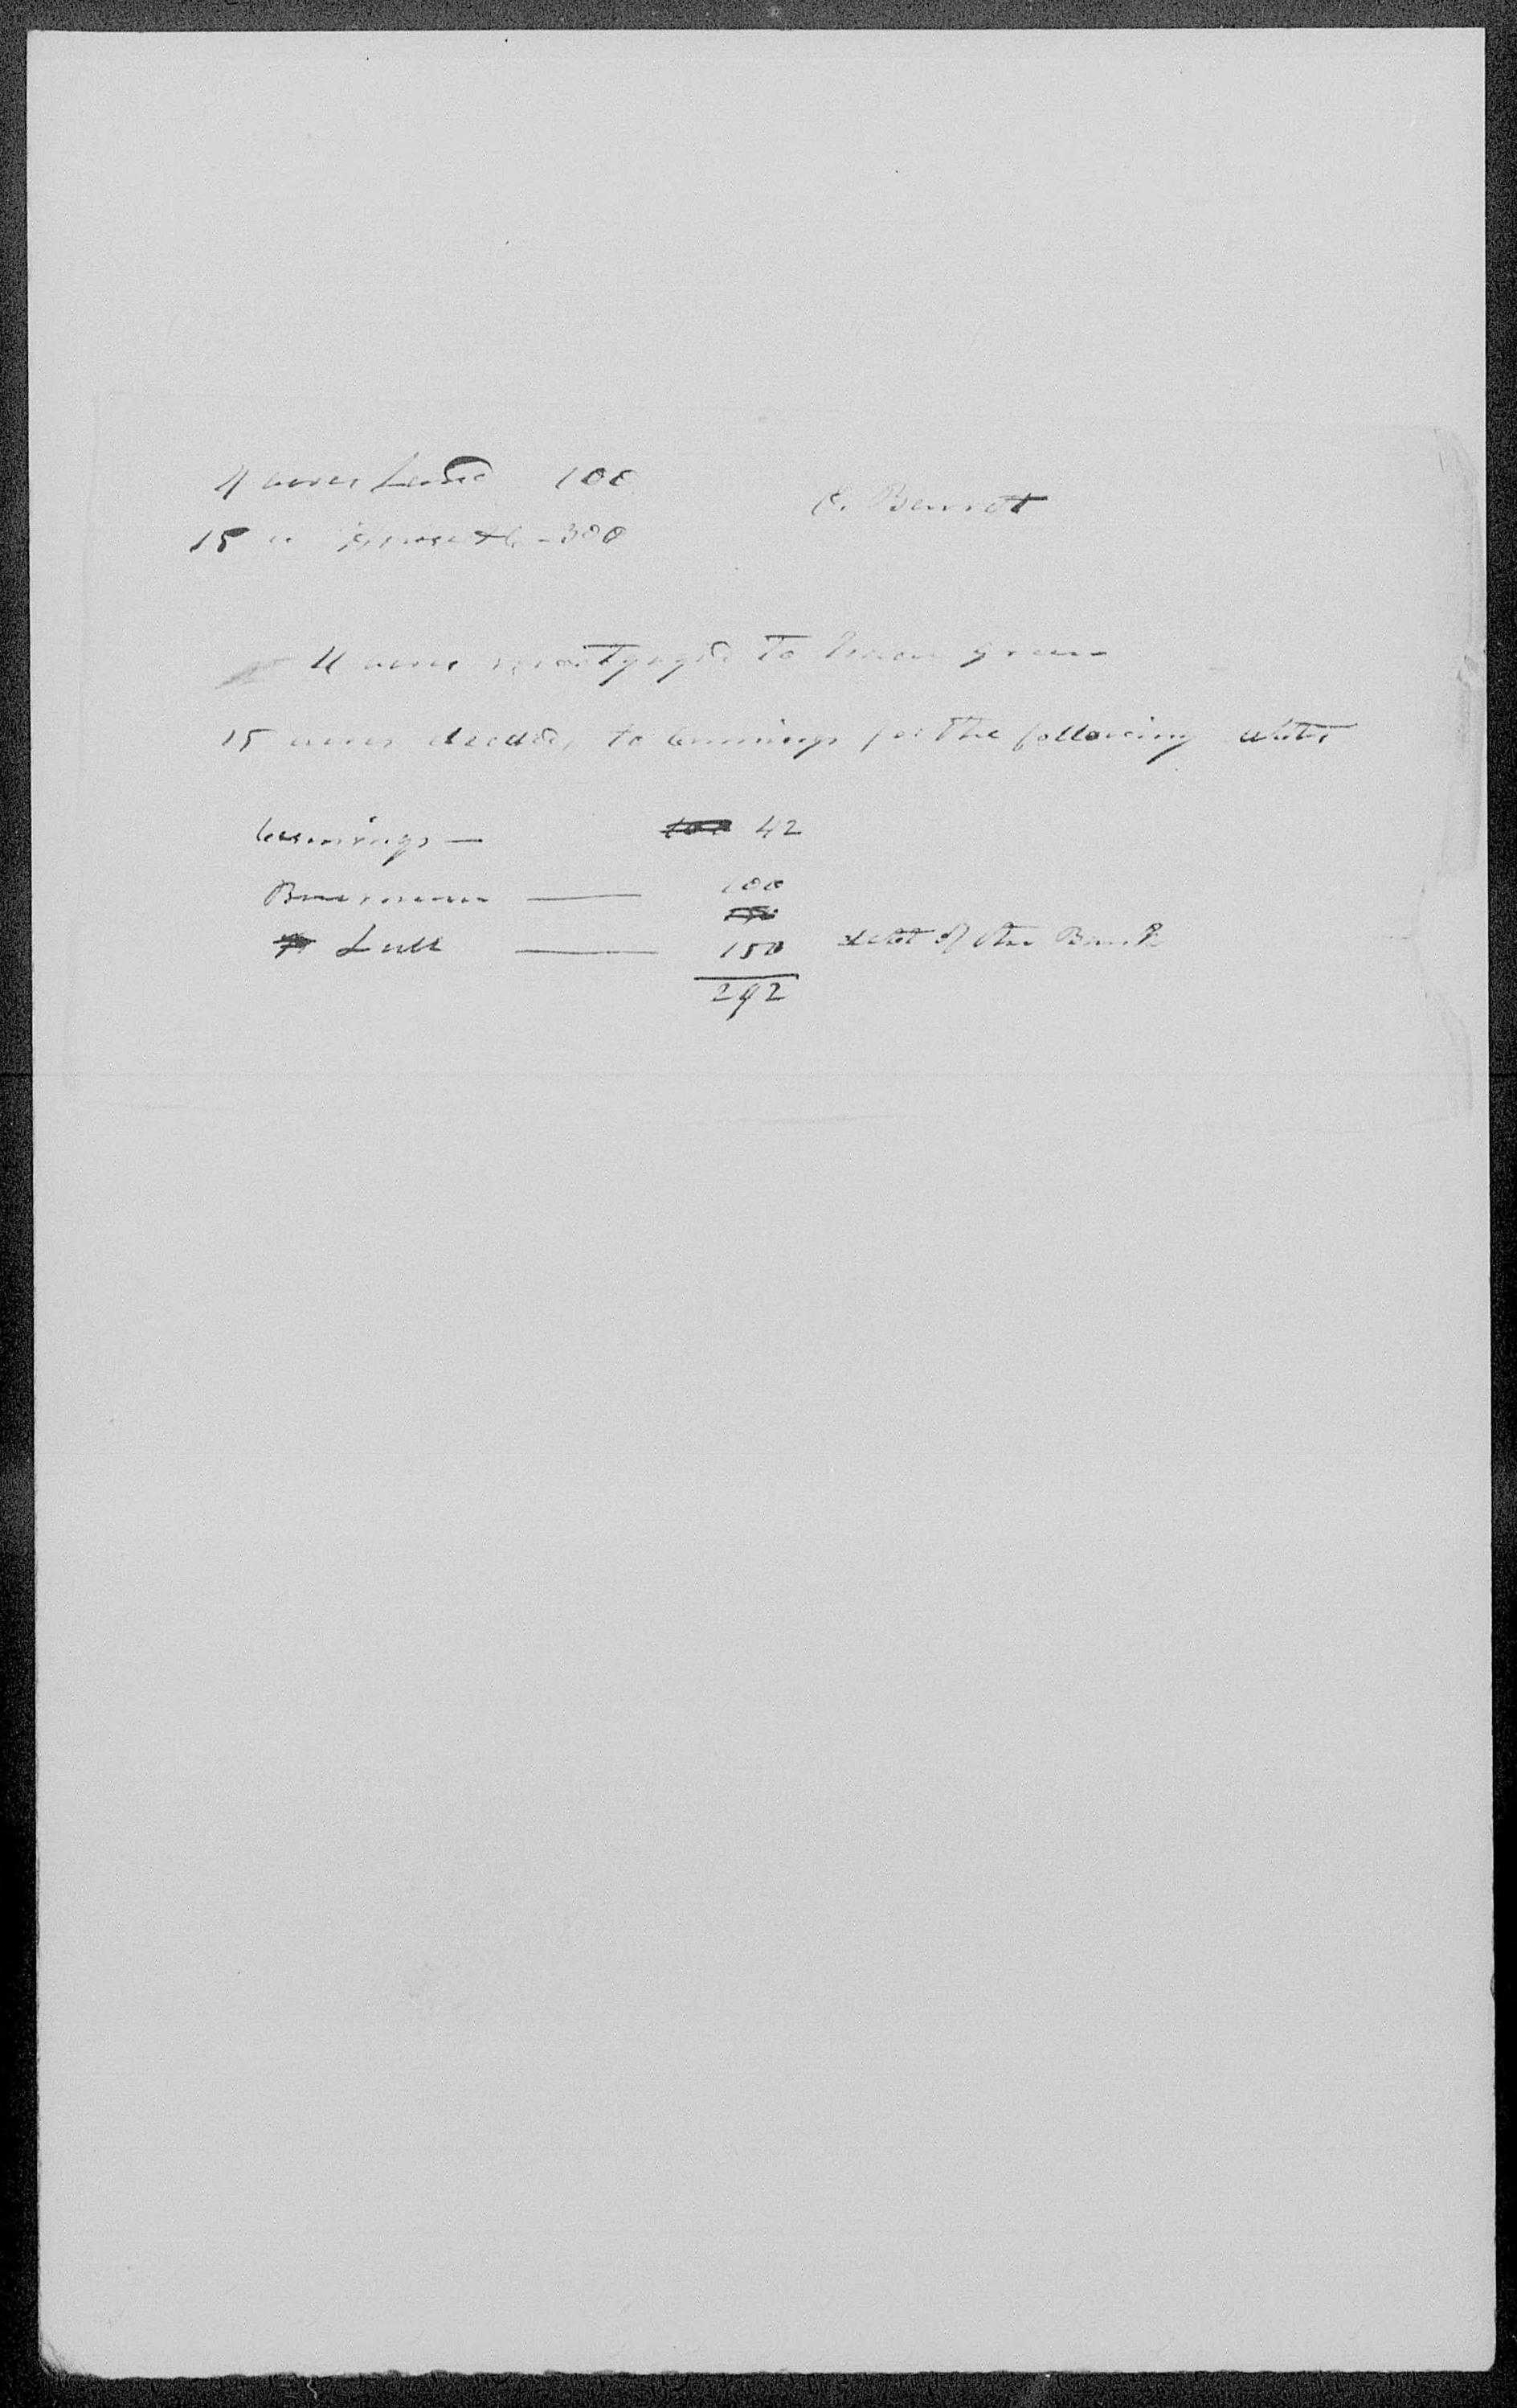11 acres land   10
15 " herewith 30     O. Barrett
4 acres mortgaged to Isaac Green
15 acres deeded to Cummings for the following with
Cummings    42
Benjamin   100
Lull 150
292

Letter of the Bank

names: O Barrett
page: 15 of 83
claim: widow's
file: W. 10,384, Oliver Barrett, Continental (Vt.) N.Y.